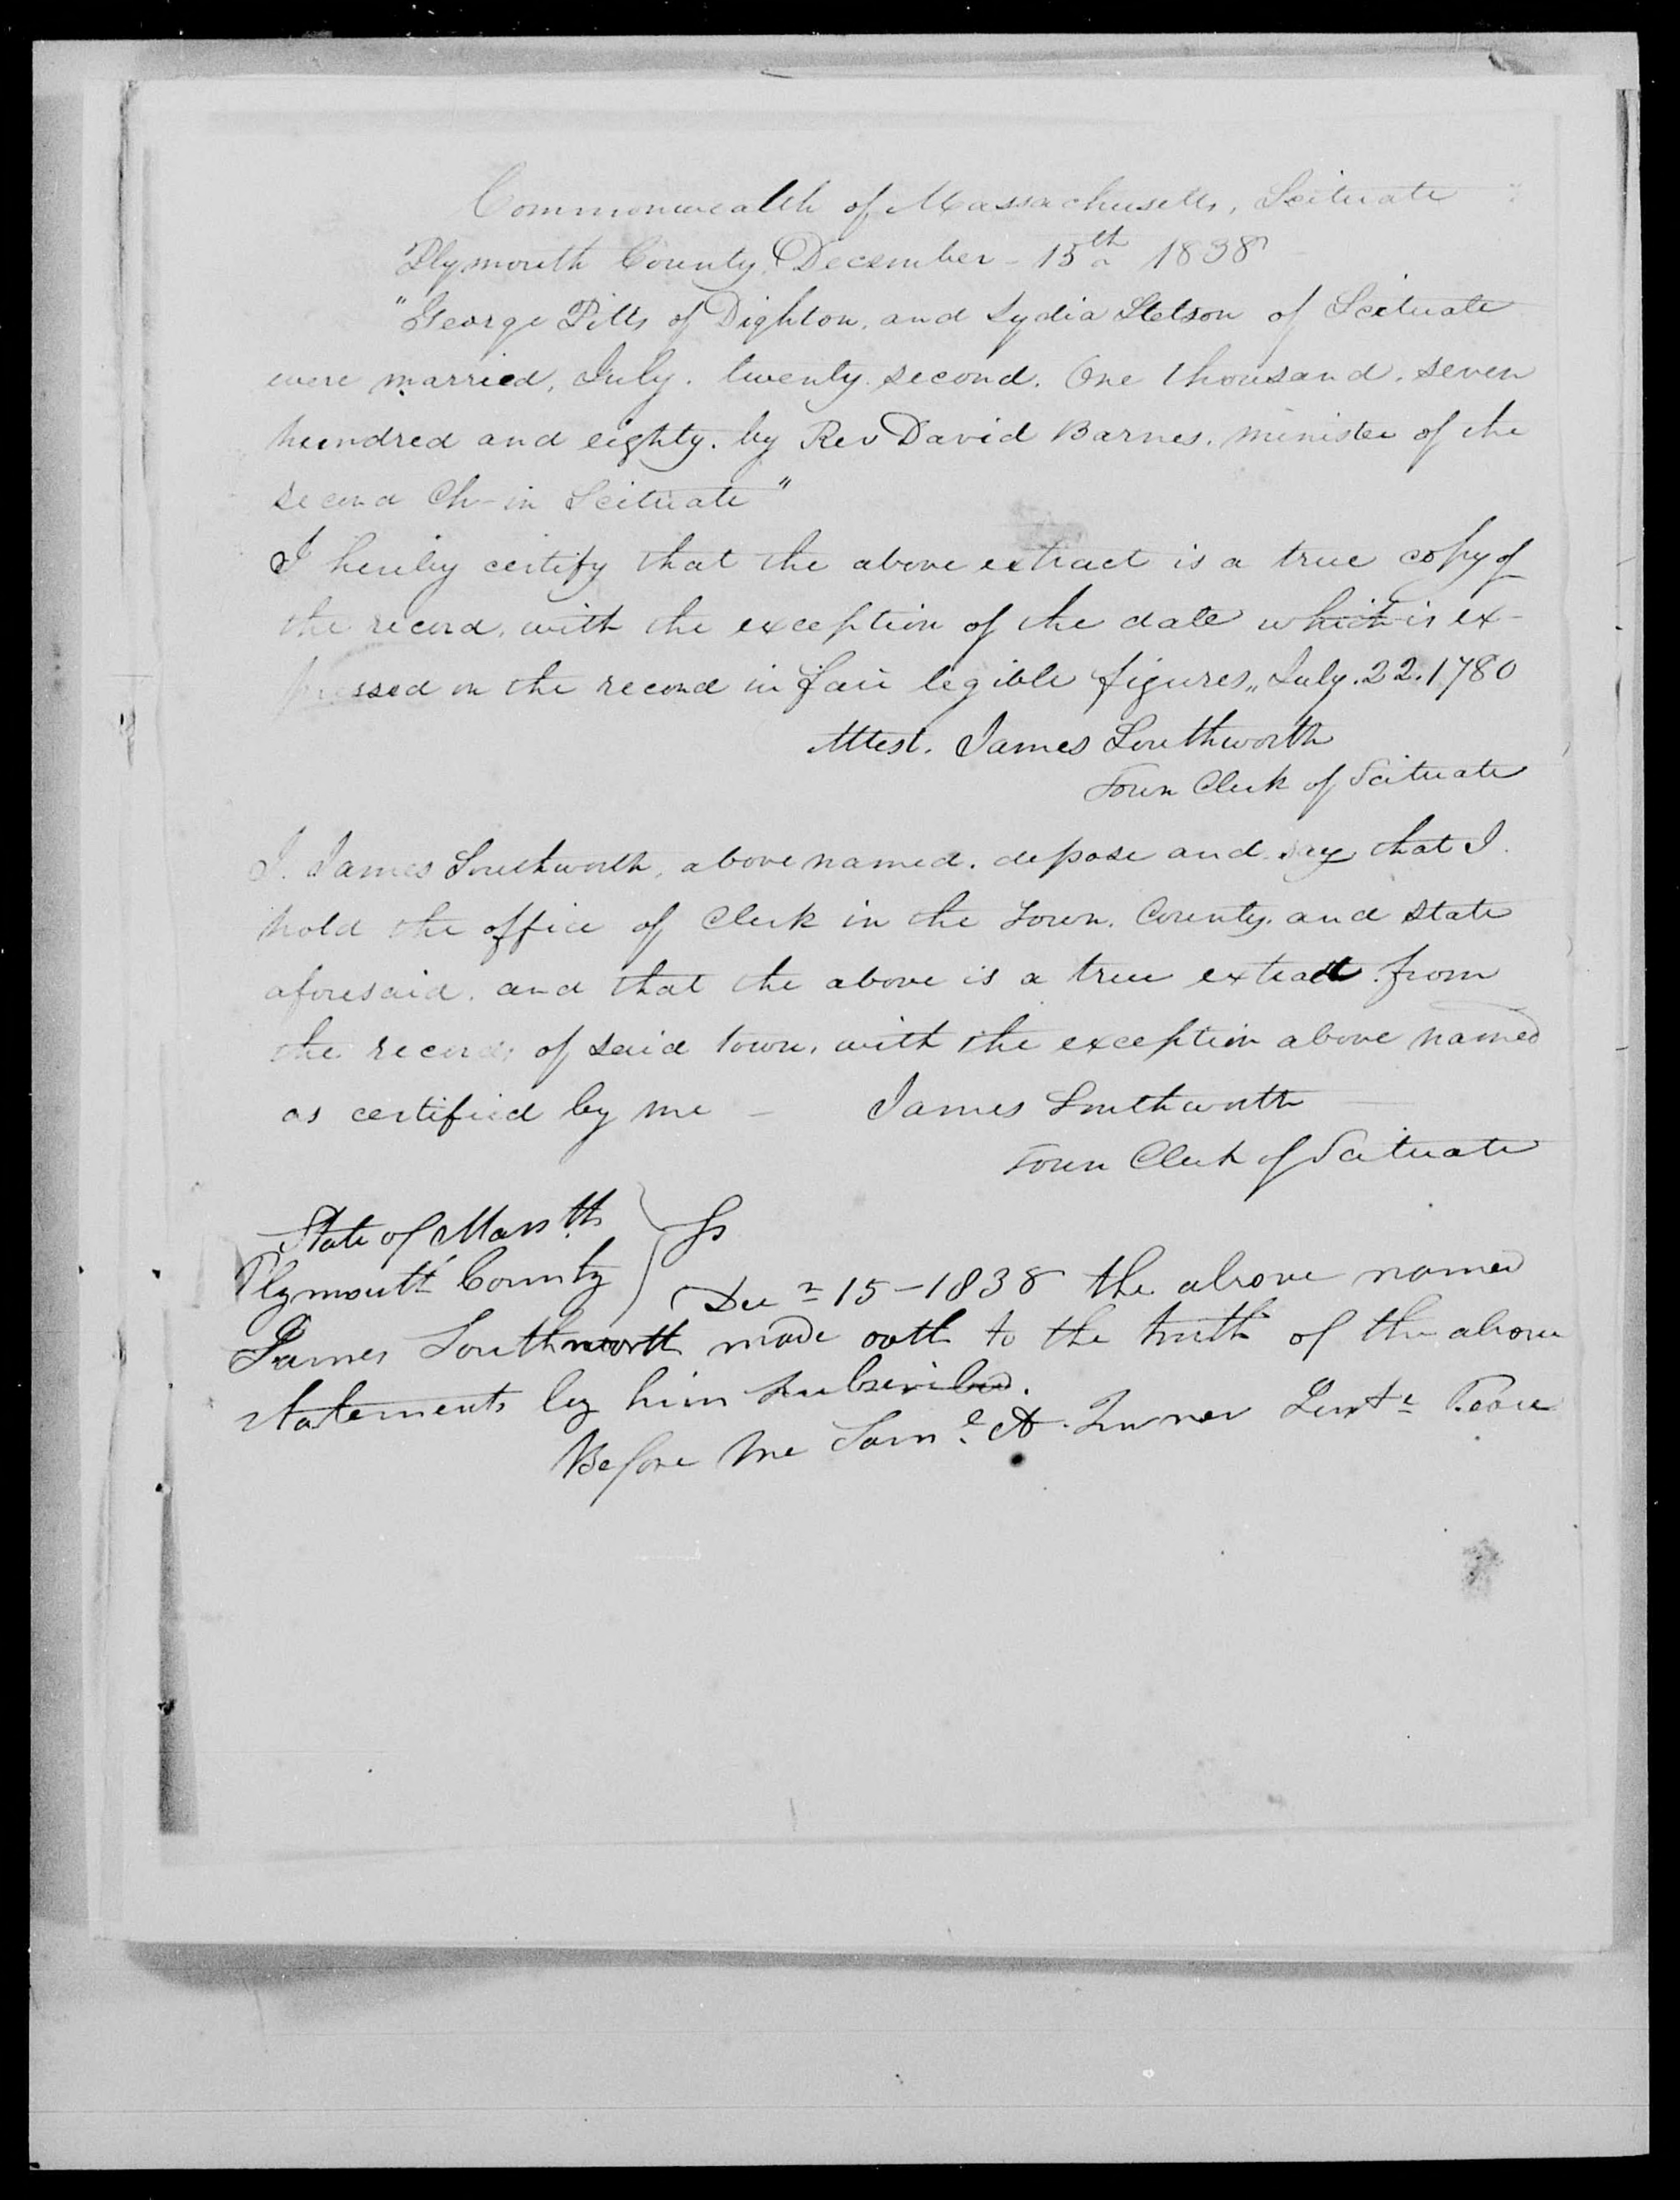Commonwealth of Massachusetts, Scituate
Plymouth County, December 15th 1838
"George Pills of Dighton and Lydia Stetson of Scituate were married, July twenty second. One thousand, seven hundred and eighty by Rev David Barnes, Minister of the second Ch in Scituate."
I hereby certify that the above extract is a true copy of the record, with the exception of the date which is expressed on the record in fair legible figures, July 22, 1780.
Attest. James Southworth
Town Clerk of Scituate
I James Southworth, above named, depose and say that I hold the office of Clerk in the Town, County and State aforesaid and that the above is a true extract from the records of said town, with the exception above named
as certified by me-
James Southworth
Town Clerk of Scituate
State of Mass
Plymouth County
Decr 15-1838 the above named
James Southworth made oath to the truth of the above statement by him subscribed
Before me Samuel A Turner
Justice of the Peace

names: James Southworth; George Pitts; Lydia Stetson; Saml A Turner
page: 15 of 54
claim: widow's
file: W. 26,897, for George Pitts, Massachusetts